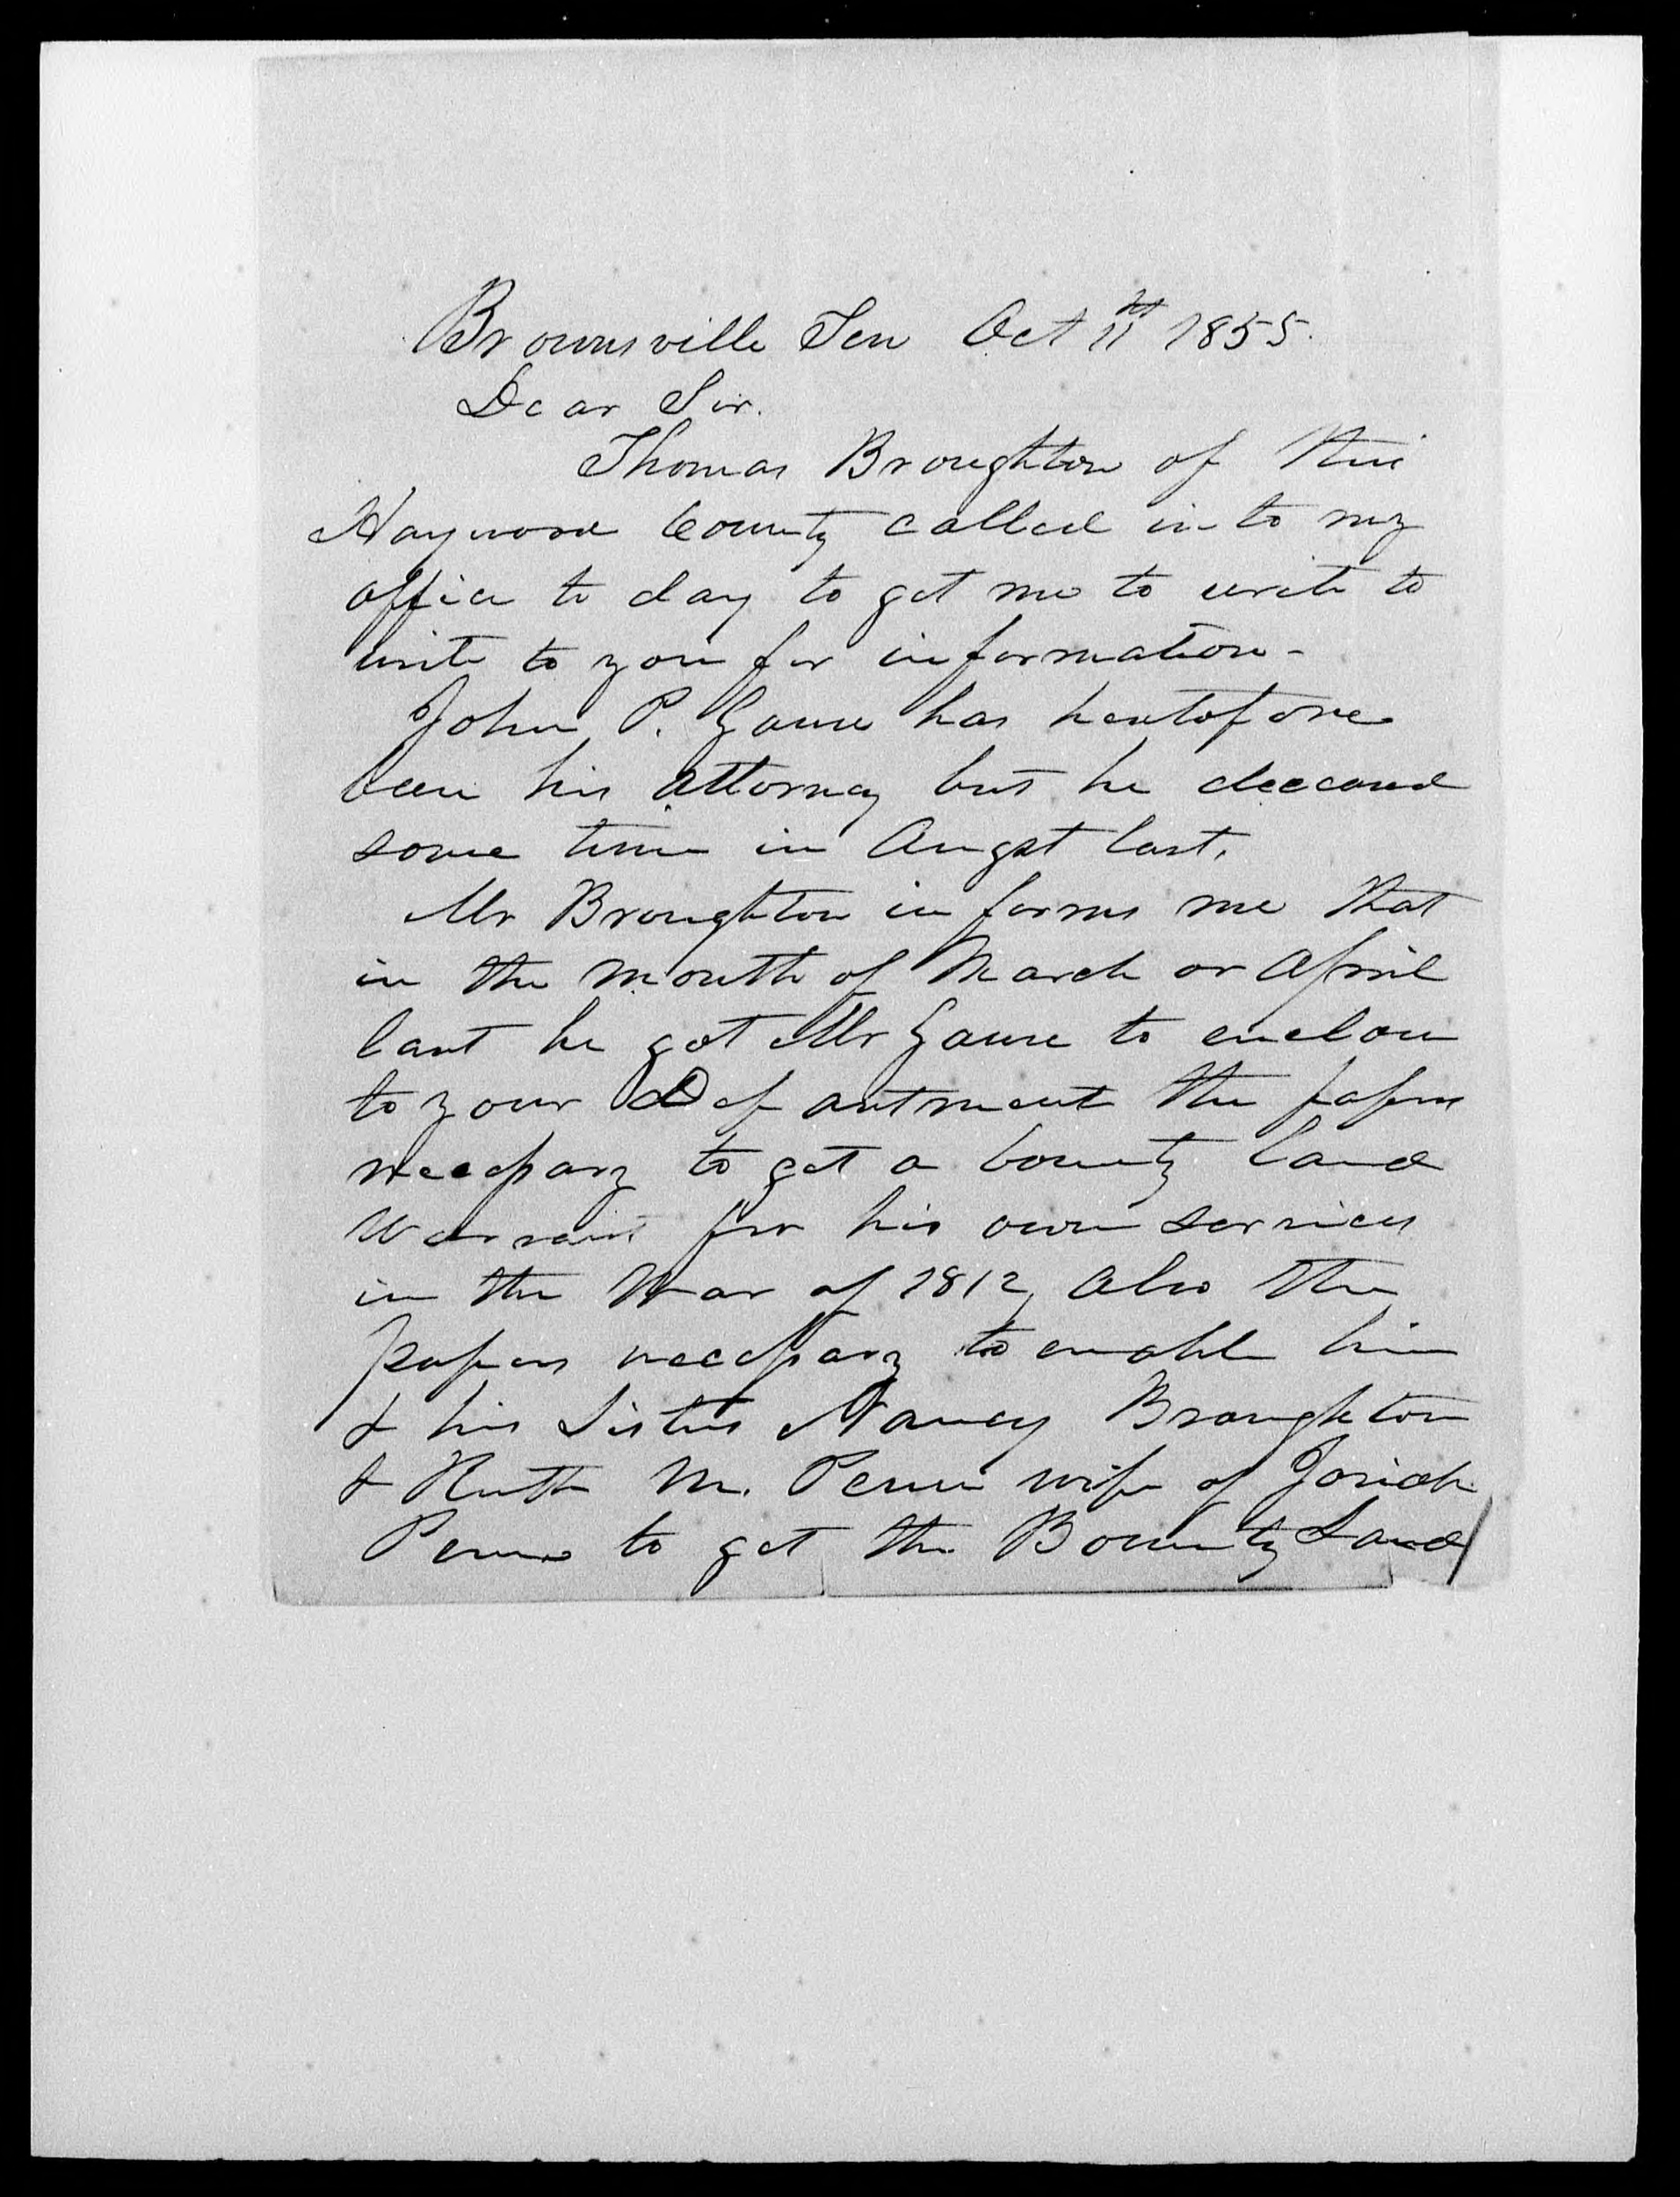Brownsville Ten Oct 11th 1855
Dear Sir.
Thomas Broughton of this Haywood County called in to my office to day to get me to write to write to you for information.
John P. Gause has heretofore been his attorney but he deceased some time in Augst last.
Mr Broughton informs me that in the month of March or April last he got Mr Gause to enclose to your Department the papers necessary to get a bounty land Warrant for his own services in the War of 1812, also the papers necessary to enable him & his sisters Nancy Broughton & Ruth M. Penn wife of Josiah Penn to get the Bounty Land/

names: Thomas Broughton, Nancy Broughton, Broughton, Josiah Penn, John P Gause, Ruth W Penn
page: 58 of 72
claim: widow's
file: W. 897, Thomas Broughton, S.C.